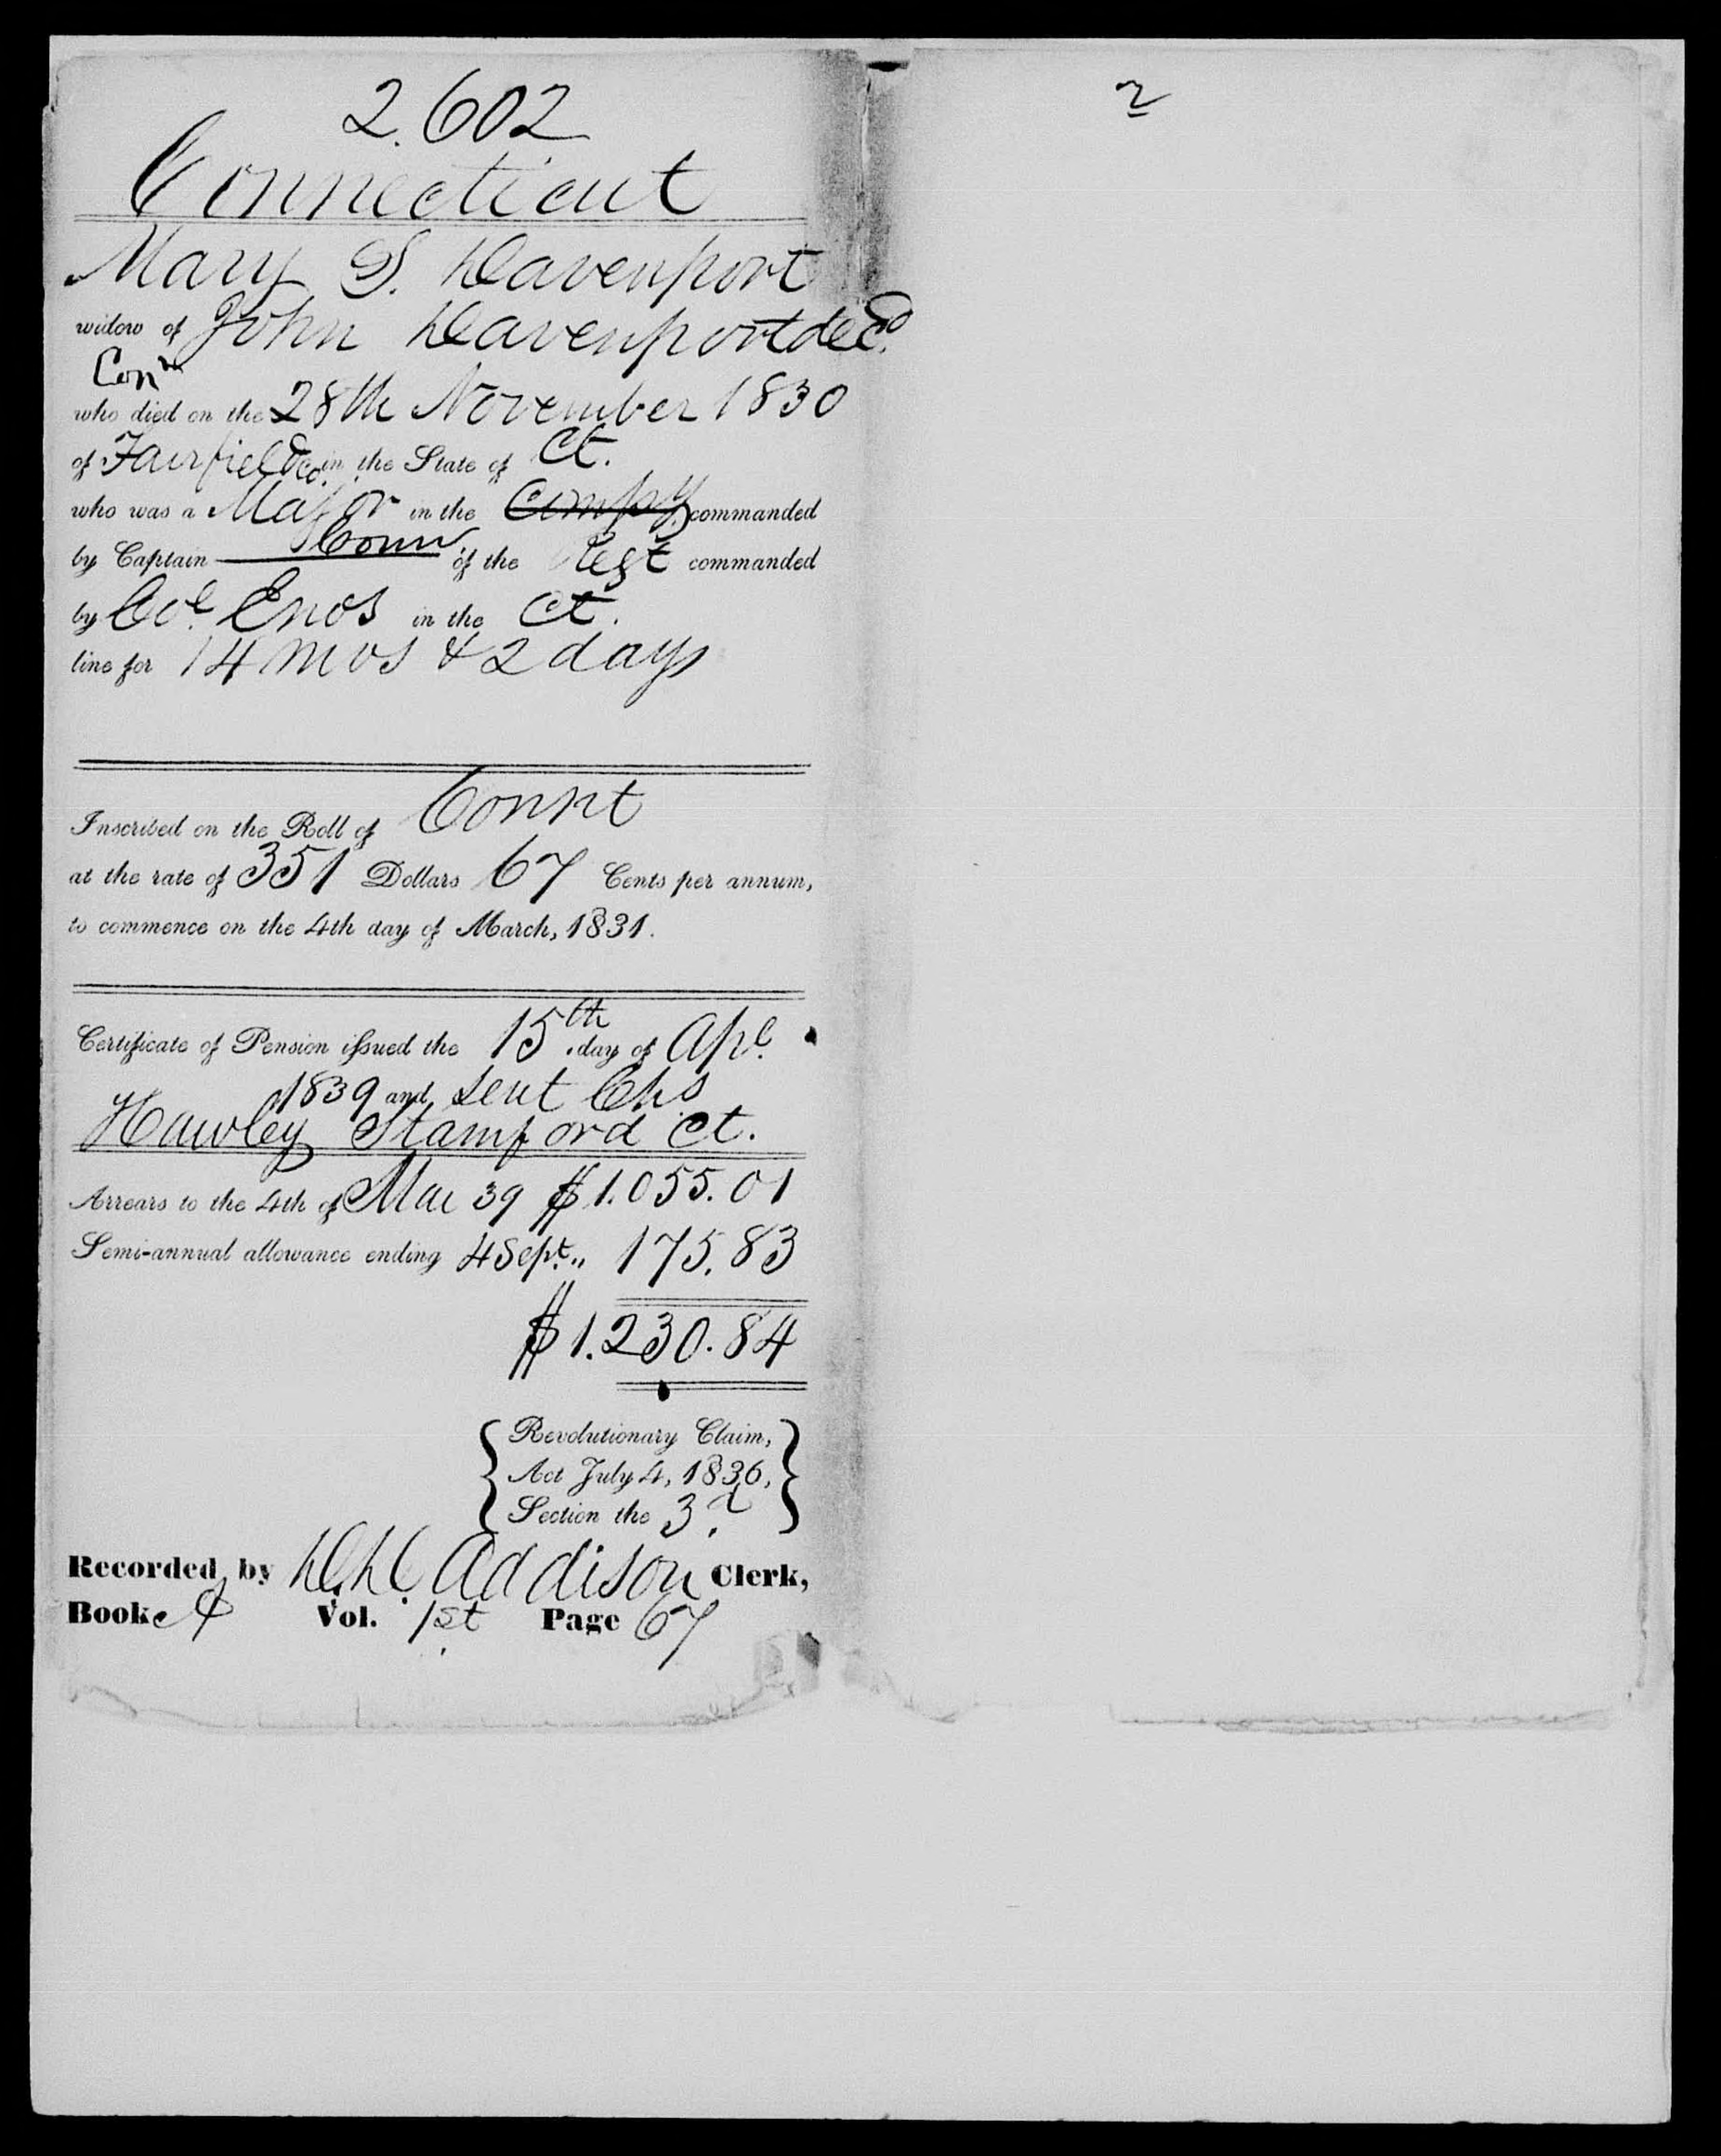2.602
Connecticut
__________

Mary S. Davenport
widow of John Davenport Con
who died on the 28th November 1830
of Fairfield in the State of Ct
who was a Major in the Company [crossed out] commanded by Captain Conn of the Regt commanded by Col. Enos in the Ct line for 14 mos & 2 days
_________
Inscribed on the Roll of Connt
at the rate of 351 Dollars 67 Cents per annum,
to commence on the 4th day of March, 1831
_________
Certificate of Pension issued the 15th day of Apl 1839 and sent Chs Hawley, Stamford Ct.
_________
Arrears to the 4th of Mar 39 $1055.01
Semi-annual allowance ending 4 Sept. $175.83
_____________
$1.230.84
{Revolutionary Claim,}
{Act July 4, 1836}
{Section the 3rd}

Recorded by D.D. Addison Clerk Book A Vol. 1st Page 67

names: D D Addison, Mary S Davenport, Enos, Conn, John Davenport, Chs Hawley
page: 2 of 15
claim: widow's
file: W 17711, John Davenport, Conn.